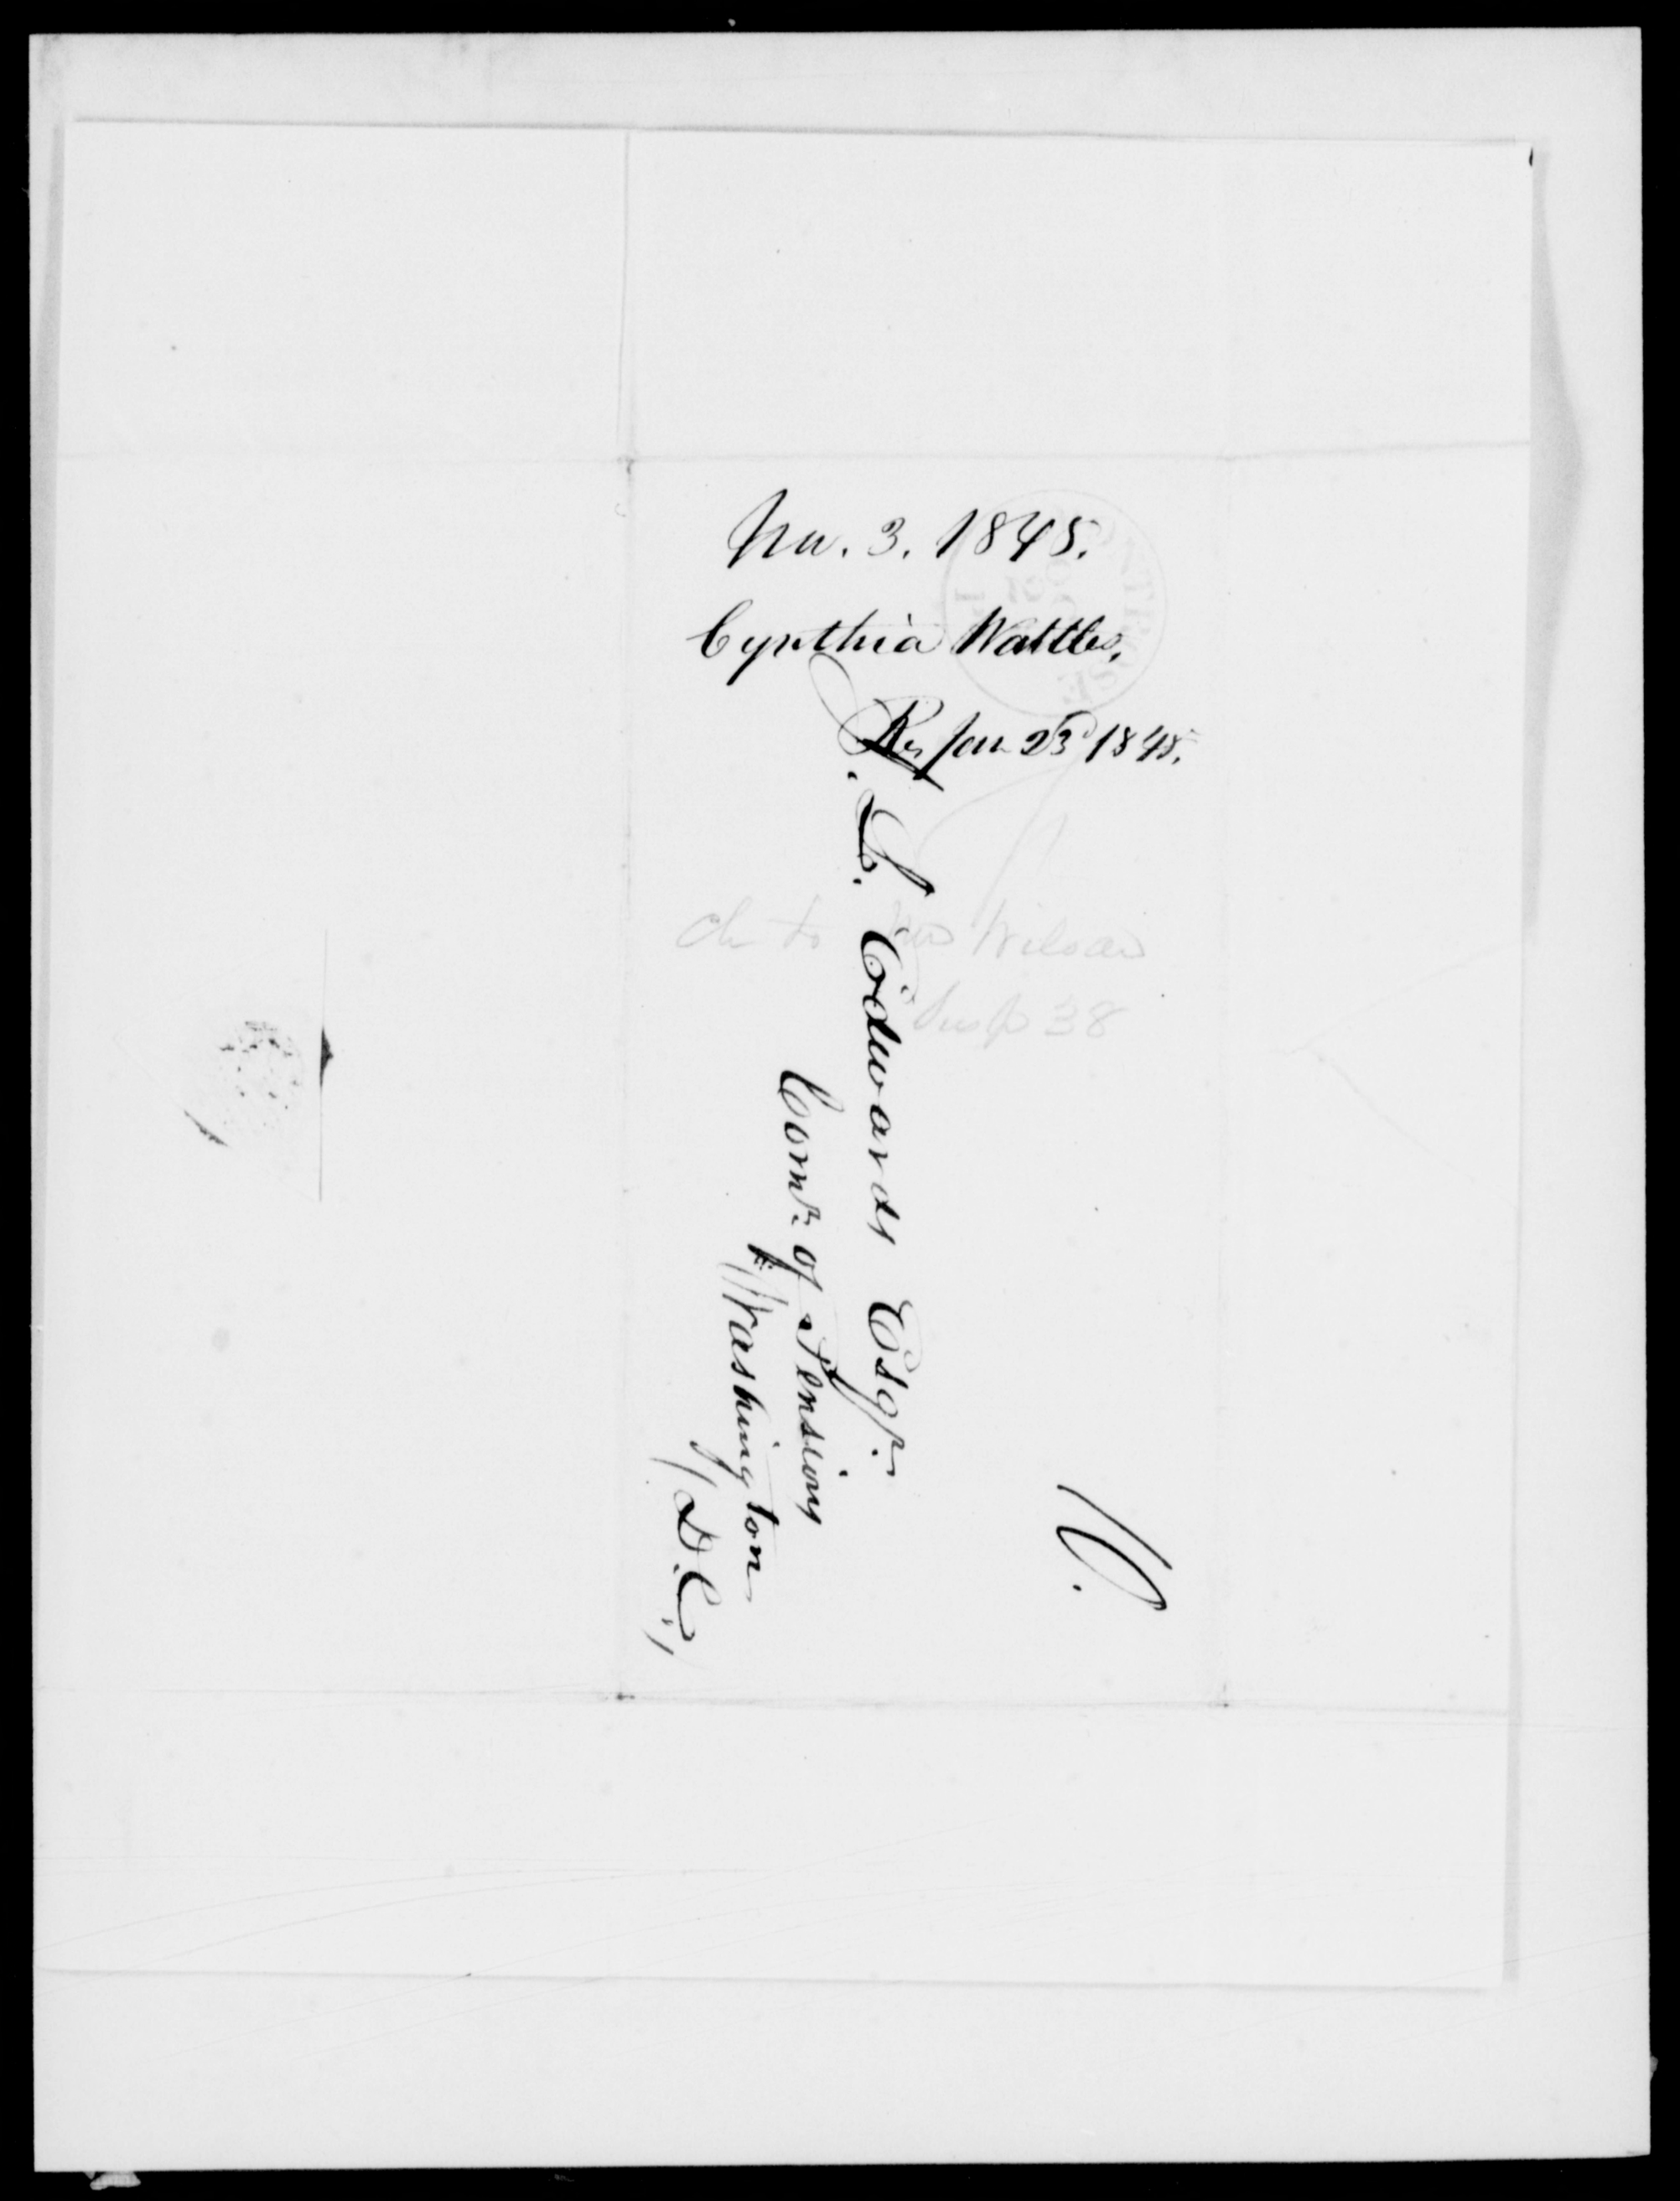Nov. 3, 1845
Cynthia Wattles
[     ]  23 1845.

MONTROSE
OCT
2[]
PA
ch to [  ] Wilson
Susp  38

10.
J. L. Edwards  Esq.
Com. of Pensions
Washington
(D. C,)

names: J L Edwards, Cynthia Wattles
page: 36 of 70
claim: widow's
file: W. 3743, Dan Wattles, Conn.